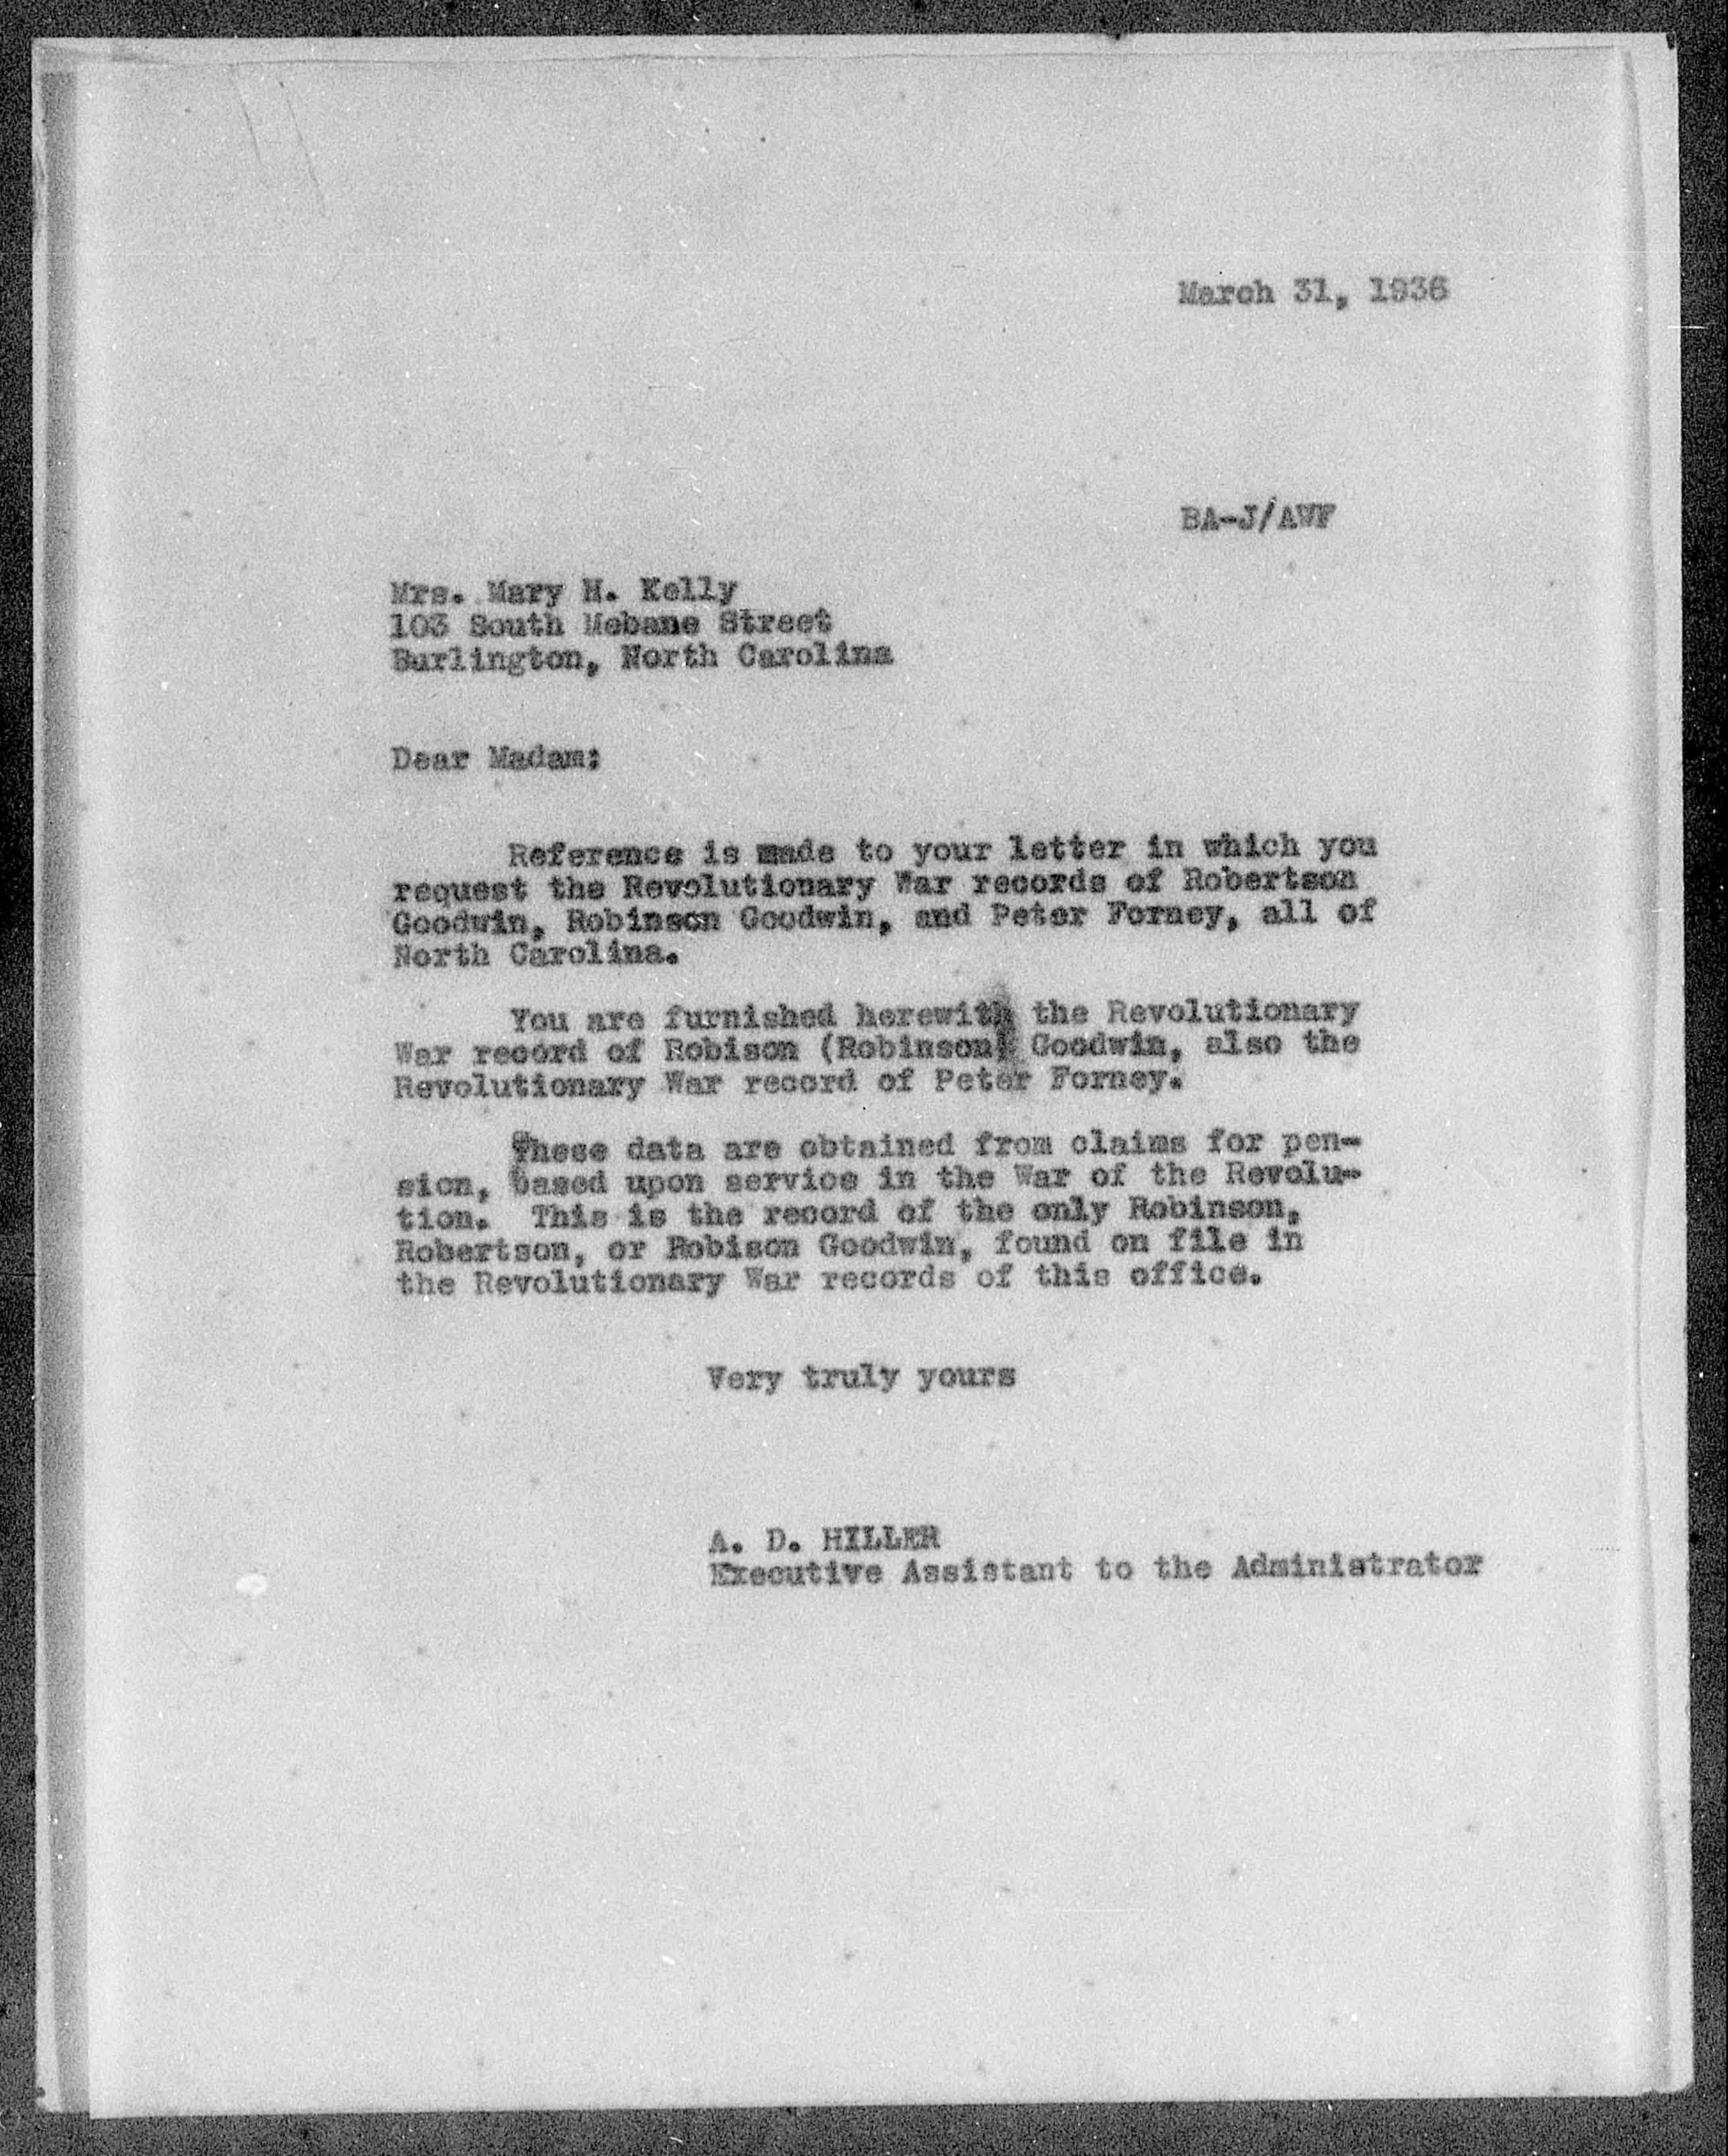March 31, 1936
Mrs. Mary H. Kelly
105 South Mebane Street
Burlington, North Carolina
BA-J/AWF
Dear Madam:
Reference is made to your letter in which you
request the Revolutionary War records of Robertson
Goodwin, Robinson Goodwin, and Peter Forney, all of
North Carolina.
You are furnished herewith the Revolutionary War
record of Robison (Robinson) Goodwin, also the
Revolutionary War record of Peter Forney
these data are obtained from claims for pension, based upon service in the War of the Revolution. This is the record of the only Robinson,
Robertson, or Robison Goodwin, found on file in
the Revolutionary War records of this office.
Very truly yours
A. D. HILLER
Executive Assistant to the Administrator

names: Robinson Goodwin, Peter Forney, Mary H Kelly, Robison Goodwin, Robertson Goodwin, A D Hiller, Peter Forney, Robison Goodwin, Robertson Goodwin, Robinson Goodwin, Robinson Goodwin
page: 11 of 16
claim: survivor's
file: S. 6,894, Robison Goodwin, N.C.